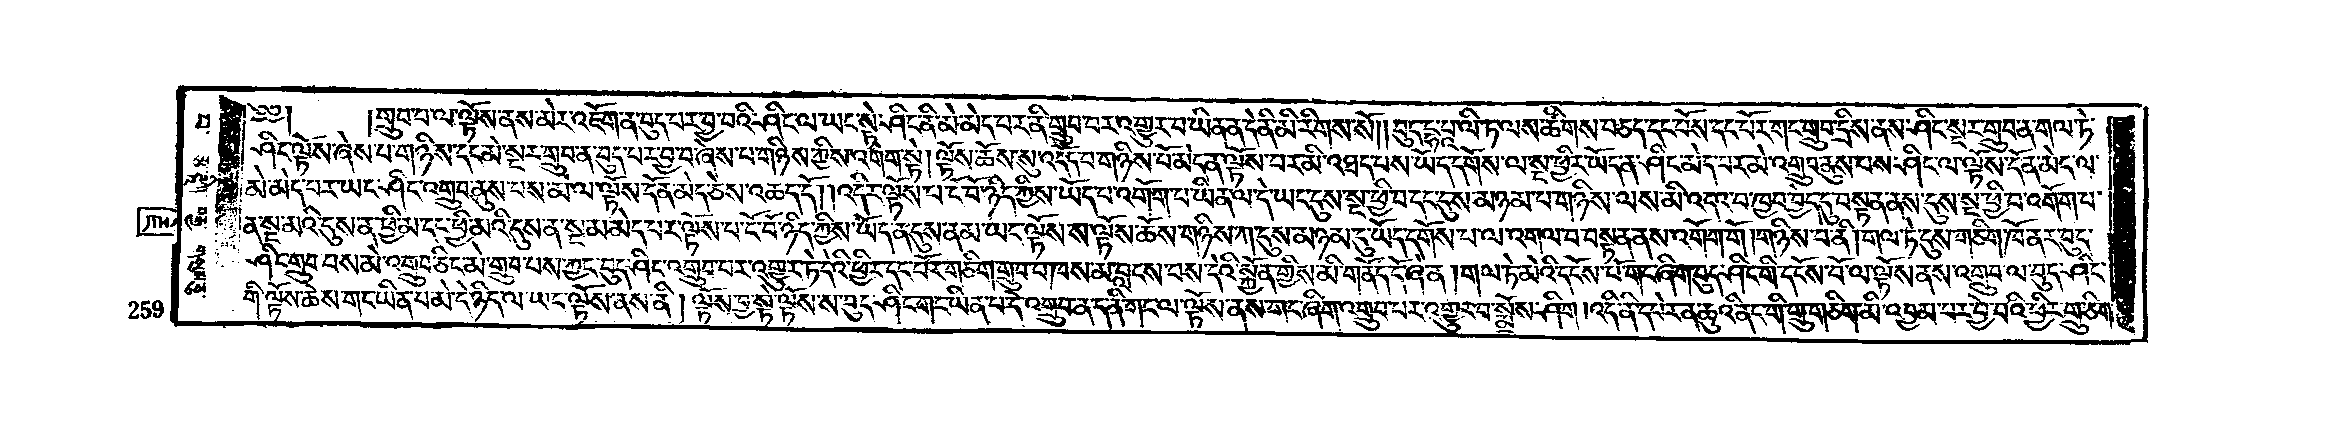༄༅། །གྲུབ་པ་ལ་ལྟོས་ནས་མེར་འཇོག་ན་བུད་པར་བྱ་བའི་ཤིང་ལ་ཡང་སྟེ་ཤིང་ནི་མེ་མེད་པར་ནི་གྲུབ་པར་འགྱུར་བ་ཡིན་ན་དེ་ནི་མི་རིགས་སོ། །བུདྡྷ་པཱ་ལི་ཏ་ལས་ཚིགས་བཅད་དང་པོས་དང་པོར་གང་གྲུབ་དྲིས་ནས་ཤིང་སྔར་གྲུབ་ན་གལ་ཏེ་
ཤིང་ལྟེས་ཞེས་པ་གཉིས་དང་མེ་སྔར་གྲུབ་ན་བུད་པར་བྱ་བ་ཞེས་པ་གཉིས་ཀྱིས་འགེག་སྟེ། ལྟོས་ཆོས་སུ་འདོད་པ་གཉིས་པོ་མེད་ན་ལྟོས་པར་མི་འཐད་པས་ཡོད་དགོས་ལ་སྔ་ཕྱིར་ཡོད་ན་ཤིང་མེད་པར་མེ་འགྲུབ་ནུས་པས་ཤིང་ལ་ལྟོས་དོན་མེད་ལ་
མེ་མེད་པར་ཡང་ཤིང་འགྲུབ་ནུས་པས་མེ་ལ་ལྟོས་དོན་མེད་ཅེས་འཆད་དོ། །འདིར་ལྟོས་པ་ངོ་བོ་ཉིད་ཀྱིས་ཡོད་པ་འགོག་པ་ཡིན་ལ་དེ་ཡང་དུས་སྔ་ཕྱི་བ་དང་དུས་མཉམ་པ་གཉིས་ལས་མི་འདའ་བ་ཁྱབ་བྱེད་དུ་བསྟན་ནས་དུས་སྔ་ཕྱི་བ་འགོག་པ་
ན་སྔ་མའི་དུས་ན་ཕྱི་མ་དང་ཕྱི་མའི་དུས་ན་སྔ་མ་མེད་པར་ལྟོས་པ་ངོ་བོ་ཉིད་ཀྱིས་ཡོད་ན་དུས་ནམ་ཡང་ལྟོས་ས་ལྟོས་ཆོས་གཉིས་ཀ་དུས་མཉམ་དུ་ཡོད་དགོས་པ་ལ་འགལ་བ་བསྟན་ནས་འགོག་གོ །གཉིས་པ་ནི། གལ་ཏེ་དུས་གཅིག་ཁོ་ནར་བུད་
ཤིང་གྲུབ་པས་མེ་འགྲུབ་ཅིང་མེ་གྲུབ་པས་ཀྱང་བུད་ཤིང་འགྲུབ་པར་འགྱུར་ཏེ་དེའི་ཕྱིར་དང་པོར་གཅིག་གྲུབ་པ་ཁས་མ་བླངས་པས་དེའི་སྐྱོན་གྱིས་མི་གནོད་དོ་ཞེ་ན། གལ་ཏེ་མེའི་དངོས་པོ་གང་ཞིག་བུད་ཤིང་གི་དངོས་པོ་ལ་ལྟོས་ནས་འགྲུབ་ལ་བུད་ཤིང་
གི་ལྟོས་ཆེས་གང་ཡིན་པ་མེ་དེ་ཉིད་ལ་ཡང་ལྟོས་ནས་ནི། ལྟོས་བྱ་སྟེ་ལྟོས་ས་བུད་ཤིང་གང་ཡིན་པ་དེ་འགྲུབ་ན་ད་ནི་གང་ལ་ལྟོས་ནས་གང་ཞིག་འགྲུབ་པར་འགྱུར་བ་སྨྲོས་ཤིག །འདི་ནི་དཔེར་ན་ཆུའི་ནང་གི་གྲུ་གཅིག་མི་འབྱམ་པར་བྱ་བའི་ཕྱིར་གྲུ་ཅིག་